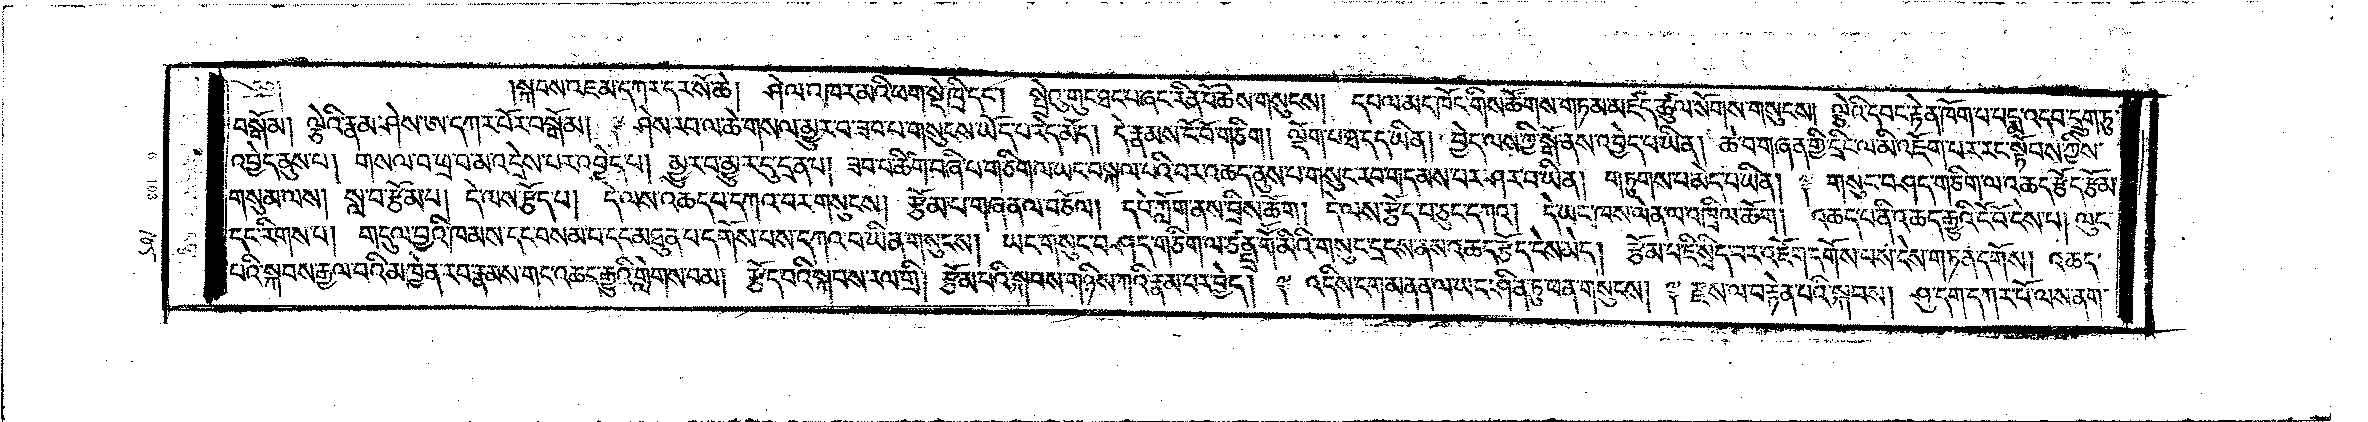༄༅། །སྐབས་འཇམ་དཀར་དར་སོ་ཆེ། ཤེལ་འཁར་མའི་ཕག་སྡེ་ཁྲི་དང་། སྤྲེའུ་གུང་ཐང་པ་ཞང་རིན་པོ་ཆེས་གསུངས། དཔལ་མང་ཁོང་གིས་ཚོགས་གཏམ་མཛད་ཚུལ་སོགས་གསུངས། ལྕེའི་དབང་རྟེན་ཁོག་པ་པདམ་འདབ་དྲུག་ཏུ་
བསྒོམ། ལྕེའི་རྣམ་ཤེས་ཨ་དཀར་པོར་བསྒོམ། ༈ ཤེས་རབ་ལ་ཆེ་གསལ་མྱུར་བ་ཟབ་པ་གསུངས་ཡོད་པ་རེད་མོད། དེ་རྣམས་ངོ་བོ་གཅིག། ལྡོག་པ་ཐ་དད་ཡིན། བྱེད་ལས་ཀྱི་སྒོ་ནས་འབྱེད་པ་ཡིན། ཆེ་བ་གཞན་གྱི་དྲིང་ལ་མི་འཇོག་པར་རང་སྟོབས་ཀྱིས་
འབྱེད་ནུས་པ། གསལ་བ་ཕྲ་བ་མ་འདྲེས་པར་འབྱེད་པ། མྱུར་བ་མྱུར་དུ་དྲན་པ། ཟབ་པ་ཚིག་བཞི་པ་གཅིག་ལ་ཡང་བསྐལ་པའི་བར་འཆད་ནུས་པ་གསུང་རབ་གདམས་པར་ཤར་བ་ཡིན། གཏུགས་པ་མེད་པ་ཡིན། ༈ གསུང་བཤད་གཅིག་ལ་འཆད་རྩོད་རྩོམ་
གསུམ་ལས། སླ་བ་རྩོམ་པ། དེ་ལས་རྩོད་པ། དེ་ལས་འཆད་པ་དཀའ་བར་གསུངས། རྩོམ་པ་གཞན་ལ་བཅོལ། དཔེ་ཀློག་ནས་བྲིས་ཆོག །དེ་ལས་རྩོད་པ་ཅུང་དཀའ། དེ་ཡང་ཁས་ལེན་ལ་འཁྲིལ་ཆོག། འཆད་པ་ནི་འཆད་རྒྱུའི་ངོ་བོ་ངེས་པ། ལུང་
དང་རིགས་པ། གདུལ་བྱའི་ཁམས་དང་བསམ་པ་དང་མཐུན་པ་དགོས་པས་དཀའ་བ་ཡིན་གསུངས། ཡང་གསུང་བཤད་གཅིག་ལ་ཙནྡྲ་གཽ་མིའི་གསུང་དྲངས་ནས་འཆད་རྩོད་ངེས་མེད། རྩོམ་པ་ཇི་སྲིད་བར་འཇོག་དགོས་པས་ངེས་གཏན་དགོས། འཆད་
པའི་སྐབས་རྒྱལ་བའི་མཁྱེན་རབ་རྣམས་གང་འཆད་རྒྱུའི་གླེགས་བམ། རྩོད་པའི་སྐབས་རལ་གྲི། རྩོམ་པའི་སྐབས་གཉིས་ཀའི་རྣམ་པར་བྱེད། ༈ འདིས་ངག་མནན་ལ་ཡང་ཤིན་ཏུ་ཕན་གསུངས། ༈ རྫས་ལ་བརྟེན་པའི་སྐབས། ཤུ་དག་དཀར་པོ་ལས་ནག་